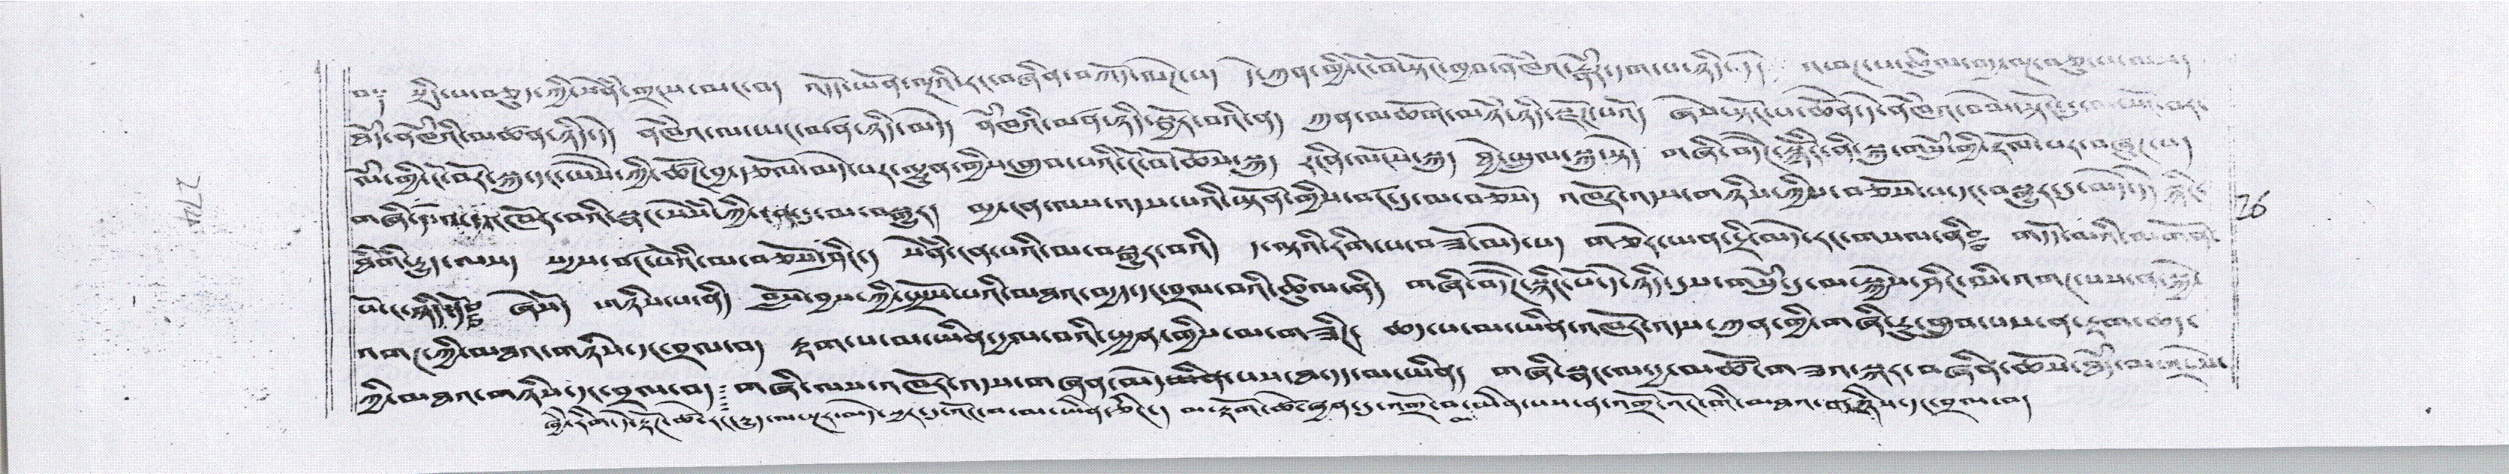བ། སྲིད་པ་བཅུད་ཀྱི་སེམས་ཅན་གྲངས་མང་བ། འདོད་ཡོན་ལྔའི་རང་བཞིན་བཀོད་ལེགས་པ། དེ་ཀུན་གྱི་ངོ་བོ་སྟོང་ཁྱབ་ནམ་མཁའ་རྣམ་པར་དག་པ་ཉིད་དོ། འཕགས་པ་ཚུལ་བརྒྱ་ལྔ་བཅུ་པ་ལས། 
ཐམས་ཅད་ནམ་མཁའི་མཚན་ཉིད་དེ། ནམ་མཁའ་ལ་ཡང་མཚན་ཉིད་མེད། ནམ་མཁའི་མཚན་ཉིད་སྦྱོར་བའི་ན། ཀུན་མཆོག་མཉམ་ཉིད་རྫོགས་པའོ། ཞེས་སྟོང་པ་ཆེན་པོ་དེ་ནམ་མཁའ་བེམ་སྟོང་དུ་མ་སོང་བར་
ལམ་གྱི་ངོ་བོར་སྐུ་དང་ཡེ་ཤེས་ཀྱི་ཚོགས་བྱ་རྩོལ་མེད་པར་ལྷུན་གྱིས་གྲུབ་པའི་ངོ་བོ་ཆོས་སྐུ། རང་བཞིན་ལོངས་སྐུ། ཐུགས་རྗེ་སྤྲུལ་སྐུ་སྟེ། གཞི་བདེ་གཤེགས་སྙིང་པོ་ནི་སྐུ་གསུམ་གྱི་རོལ་པར་བཞུགས་པ། 
གཞི་དེ་ལ་འཁོར་བའི་སྣང་སེམས་ཀྱི་ངན་དུ་མ་བསྒྱུར། མྱ་ངན་ལས་འདས་པའི་ཡོན་ཏན་གྱིས་བཟང་དུ་མ་བཅོས། འཁོར་འདས་གཉིས་ཀྱིས་བཅོས་པ་དང་བསྒྱུར་དུ་མེད་དེ། སྙིང་
ཐིག་གི་རྒྱུད་ལས། སངས་རྒྱས་བཟང་པོའི་མ་བཅོས་ཤིང། སེམས་ཅན་ངན་པའི་མ་བསྒྱུར་བའི། ད་ལྟའི་རིག་པ་བཟོ་མེད་པ། གཅེར་ཡན་དྲི་མེད་རང་གསལ་ནིཿ གདོད་མའི་མགོན་
པོ་ངང་ཉིད་དོཿ ཞེས་སོ། གཉིས་པ་ནི། བློས་བྱས་ཀྱི་སྤྲོས་པའི་མཐའ་བརྒྱད་དང་བྲལ་བའི་ཚུལ་ནི། གཞི་བདེ་གཤེགས་སྙིང་པོ་དེ་ཉིད་དུས་གསུམ་དུ་མ་སྐྱེས་ཤིང་མི་འགགས་པས་ན་སྐྱེ་
འགགས་ཀྱི་མཐའ་གཉིས་དང་བྲལ་བ། རྟག་པ་མ་ཡིན་རྒྱལ་བའི་སྤྱན་གྱིས་མ་གཟིགས། ཆད་པ་མ་ཡིན་འཁོར་འདས་ཀུན་གྱི་གཞི་རུ་གྲུབ་པས་ན་རྟག་ཆད་
ཀྱི་མཐའ་གཉིས་དང་བྲལ་བ། ཕྱི་རིག་དེ་རྟོགས་ཚེ་རང་རྒྱུད་ལ་སྔར་མེད་གསར་དུ་འོང་བ་མ་ཡིན་ཅིང། མ་རྟོག་ཚེ་གཞན་དུ་འགྲོ་བ་མ་ཡིན་པས་ན་འགྲོ་འོང་གི་མཐའ་གཉིས་དང་བྲལ་བ། གཞི་ལས་འཁོར་འདས་གཞན་མེད་པས་ཐ་དད་མ་ཡིན། གཞི་སྣང་ལ་རྒྱ་མཚོ་གཟའ་སྐར་བཞིན་ཆོས་ཐམས་ཅད་མ་འདྲེས་